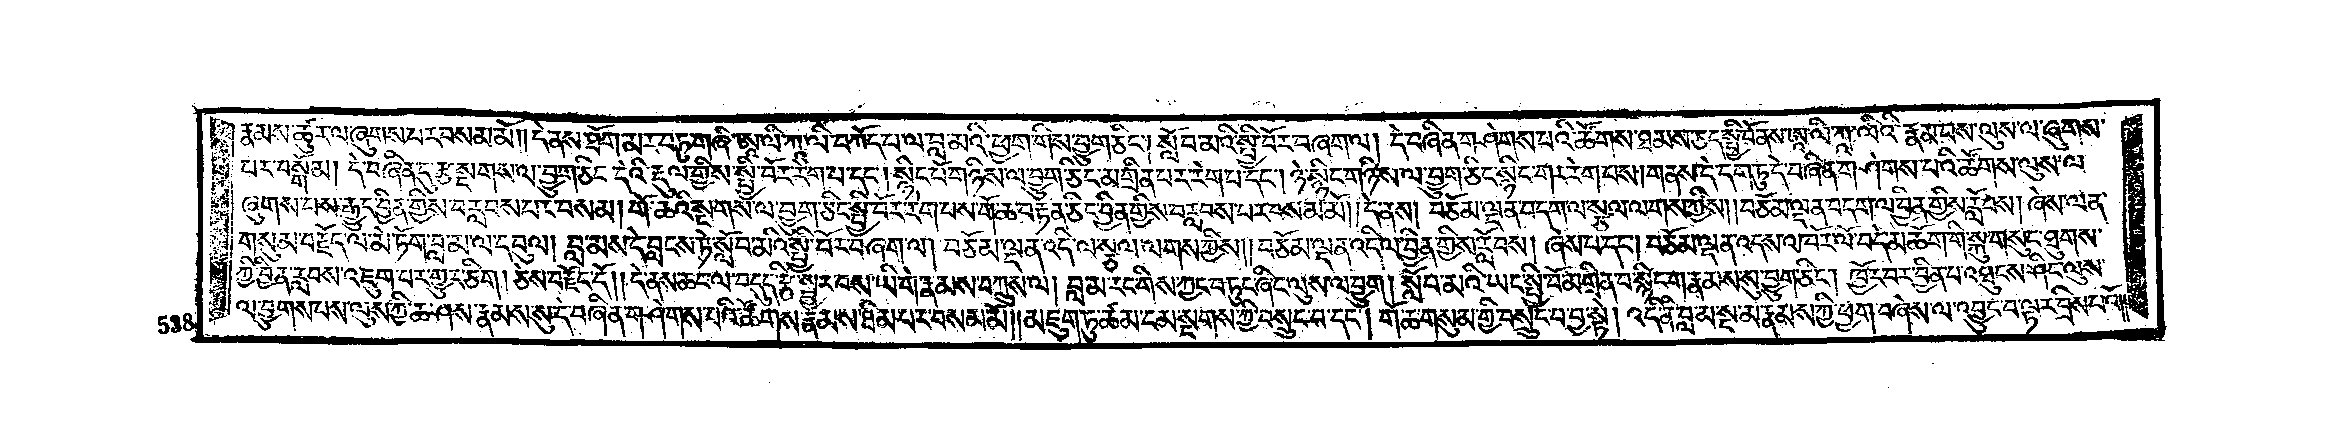རྣམས་ཚུར་ལ་ཞུགས་པར་བསམ་མོ། །དེ་ནས་ཐོག་མར་བཏུ་གཞི་ཨཱ་ལི་ཀཱ་ལི་བཀོད་པ་ལ་བླ་མའི་ཕྱག་གིས་བྱུག་ཅིང་། སློབ་མའི་སྤྱི་བོར་བཞག་ལ། དེ་བཞིན་གཤེགས་པའི་ཚོགས་ཐམས་ཅད་སྤྱི་བོ་ནས་ཨཱ་ལི་ཀཱ་ལིའི་རྣམ་པས་ལུས་ལ་ཞུགས་
པར་བསྒོམ། དེ་བཞིན་དུ་རྩ་སྔགས་ལ་བྱུག་ཅིང་དེའི་རྡུལ་གྱིས་སྤྱི་བོར་རེག་པ་དང་། སྙིང་པོ་གཉིས་ལ་བྱུག་ཅིང་མགྲིན་པར་རེག་པ་དང་། ཉེ་སྙིང་གཉིས་ལ་བྱུག་ཅིང་སྙིང་གར་རེག་པས། གནས་དེ་དག་ཏུ་དེ་བཞིན་གཤེགས་པའི་ཚོགས་ལུས་ལ་
ཞུགས་པས་རྒྱུད་བྱིན་གྱིས་བརླབས་པར་བསམ། གོ་ཆའི་སྔགས་ལ་བྱུག་ཅིང་སྤྱི་བོར་རེག་པས་གོ་ཆ་བརྟན་ཅིང་བྱིན་གྱིས་བརླབས་པར་བསམ་མོ། །དེ་ནས། བཅོམ་ལྡན་བདག་ལ་སྩལ་ལགས་ཀྱིས། །བཅོམ་ལྡན་བདག་ལ་བྱིན་གྱིས་རློབས། ཞེས་ལན་
གསུམ་བརྗོད་ལ་མེ་ཏོག་བླ་མ་ལ་དབུལ། བླ་མས་དེ་བླངས་ཏེ་སློབ་མའི་སྤྱི་བོར་བཞག་ལ། བཅོམ་ལྡན་འདི་ལ་སྩལ་ལགས་ཀྱིས། །བཅོམ་ལྡན་འདི་ལ་བྱིན་གྱིས་རློབས། ཞེས་པ་དང་། བཅོམ་ལྡན་འདས་འཁོར་ལོ་བདེ་མཆོག་གི་སྐུ་གསུང་ཐུགས་
ཀྱི་བྱིན་རླབས་འཇུག་པར་གྱུར་ཅིག །ཅེས་བརྗོད་དོ། །དེ་ནས་ཆང་ལ་བདུད་རྩི་སྦྱར་བས་ཡི་གེ་རྣམས་བཀྲུས་ལ། བླ་མ་རང་གིས་ཀྱང་བཏུང་ཞིང་ལུས་ལ་བྱུག །སློབ་མའི་ཡང་སྤྱི་བོ་མགྲིན་པ་སྙིང་ག་རྣམས་སུ་བྱུག་ཅིང་། ཁྱོར་བར་བྱིན་པ་འཐུངས་ཤིང་ལུས་
ལ་བྱུགས་པས་ལུས་ཀྱི་ཆ་ཤས་རྣམས་སུ་དེ་བཞིན་གཤེགས་པའི་ཚོགས་རྣམས་ཐིམ་པར་བསམ་མོ། །མཇུག་ཏུ་ཚམ་ངམ་སྔགས་ཀྱི་བསྲུང་བ་དང་། གོ་ཆ་གསུམ་གྱི་བསྲུང་བ་བྱ་སྟེ། འདི་ནི་བླ་མ་སྔ་མ་རྣམས་ཀྱི་ཕྱག་བཞེས་ལ་འབྱུང་བ་ལྟར་བྲིས་པའོ། །